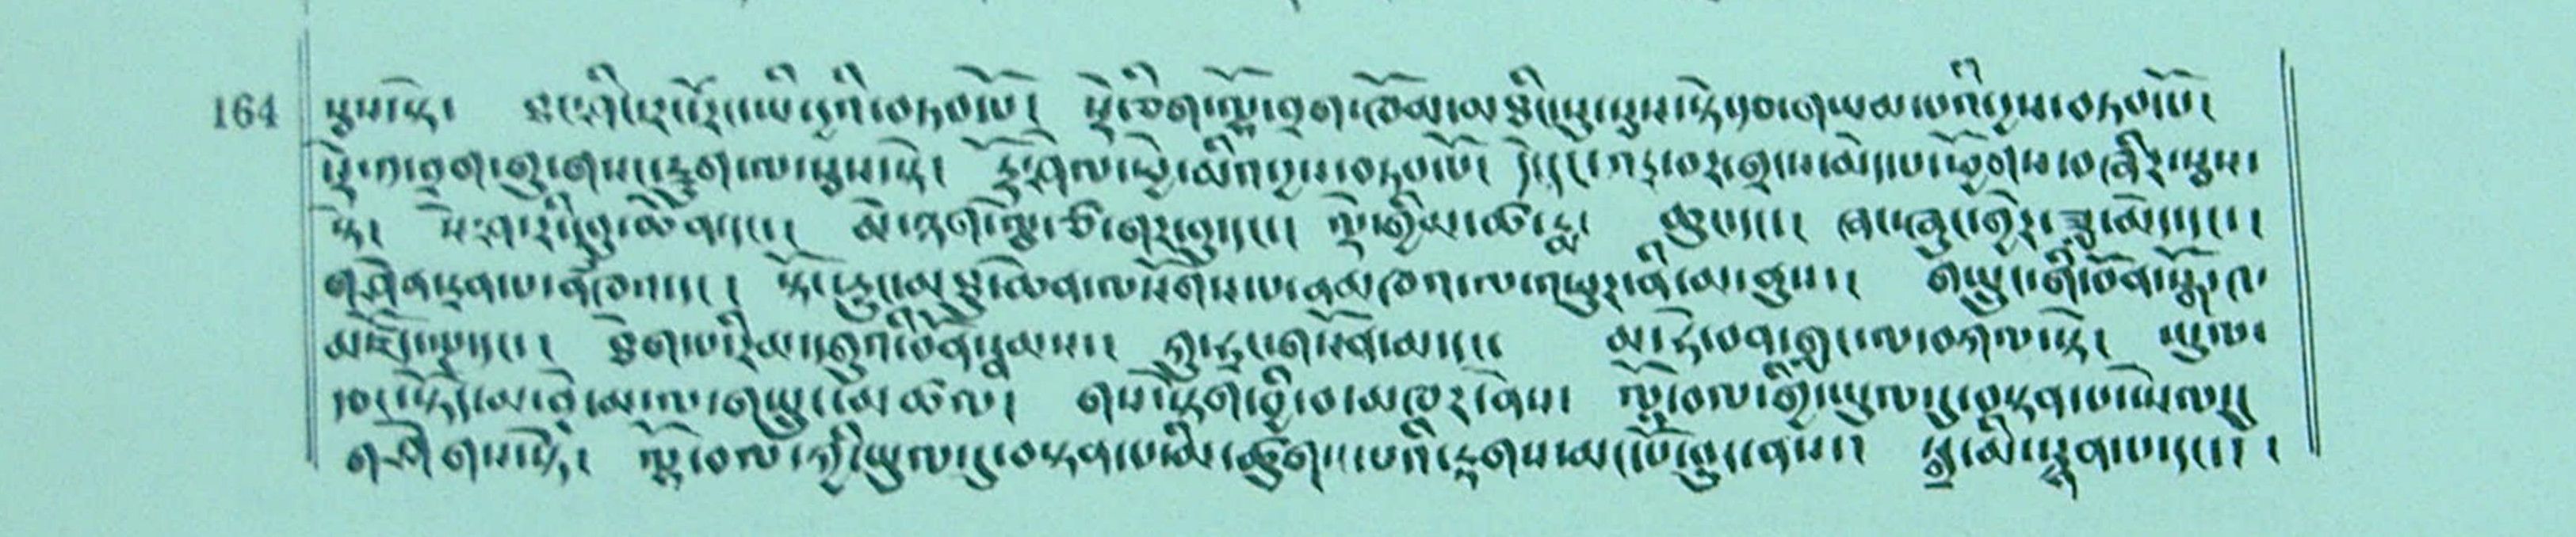སྦས་ཏེ། ཐང་ཤིང་རང་རོང་གི་རྒྱའི་བཏབ་བོ། །སྡེ་གཅིག་ལྷོ་བྲག་ཁོལ་མཐིང་དུ་སུས་ཏེ་རྩ་གཡམ་པའི་རྒྱས་བཏབ་བོ། །
སྡེ་གཅིག་བྲག་གུ་གསང་སྡུག་ལ་སྦས་ཏེ། རྡོ་ཤེལ་བྱེ་མའི་རྒྱས་བཏབ་བོ། །དེ་དང་འདྲ་བར་གྲངས་མེད་པ་ཕྱོགས་བཞིར་སྦས་
ཏེ། སེ་ཤ་རི་དབུ་ཆེན་དང་། མེ་ཉག་ལྕེ་ཚ་གར་བུ་དང་། ལྡེ་གྱིམ་ཚ་རྨ་ཆུང་དང་། ཞང་ཞུང་གྱེར་ཟླ་མེད་དང་།
 གཤེན་དྲན་པ་ནམ་མཁའ་དང་། སྟོང་རྒྱུང་མཐུ་ཆེན་ལ་སོགས་ནམ་མཁའ་ལ་འཕུར་ནི་མ་ནུས། གཡུང་དྲུང་གི་བོན་སྒོ་བཞི་
མཛོད་ལྔ་དང་། ཐེག་པ་རིམ་དགུའི་བོན་རྣམས། ཀུ་ཧྲང་གསོན་མ་དང་། མ་ཧེ་བན་གླང་ལ་བཀལ་ཏེ། ཡུལ་
རྩང་སྟོད་མ་བྱེ་མ་ལ་གཡུང་དྲུང་མཚལ། གས་སྟེག་བྱི་བ་མཁར་ནེས། ལྷོ་བལ་གྱི་ཡུལ་དུ་བསྟན་པ་སྤེལ་དུ་
གཤེགས་ཏེ། ལྷོ་བལ་གྱི་ཡུལ་དུ་བསྟན་པ་མི་ཚུགས་པའི་རྟགས་མང་པོ་བྱུང་ནས། སྒྲ་མི་སྙན་པ་དང་།